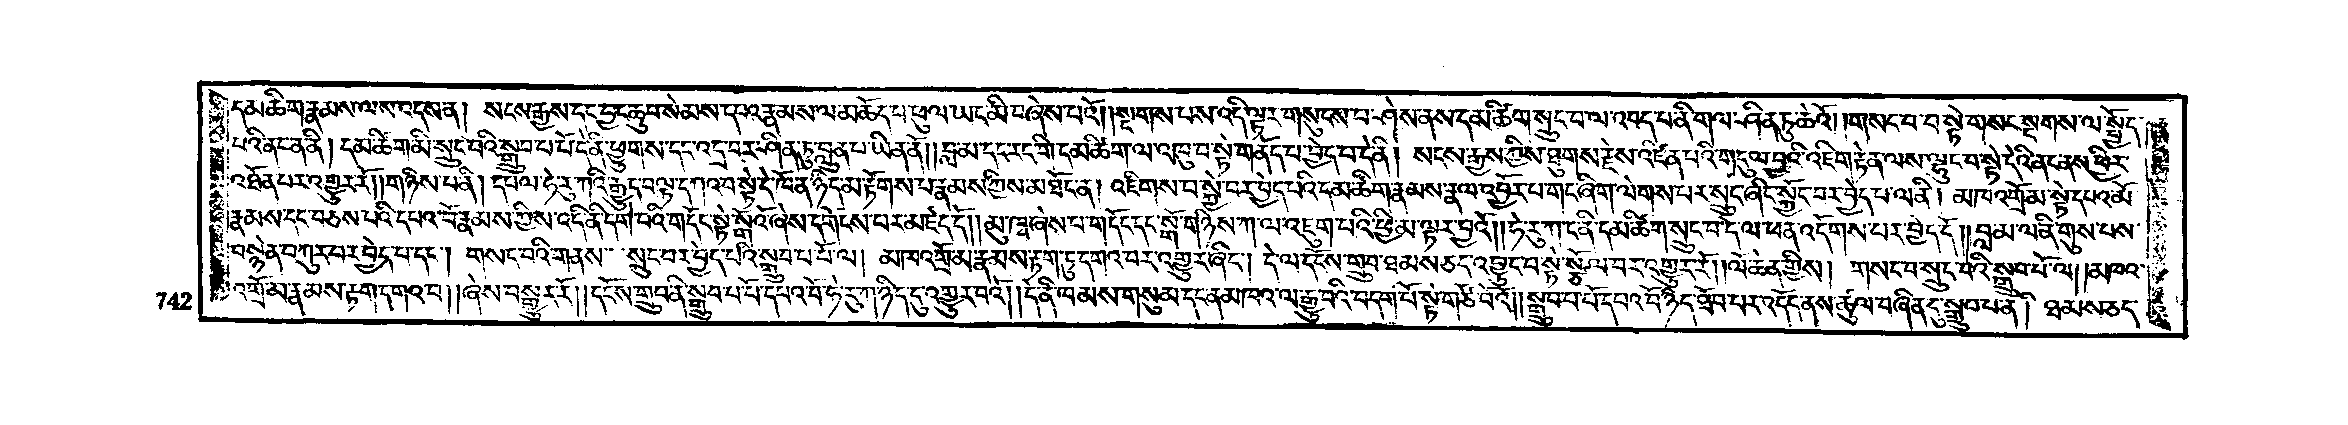དམ་ཚིག་རྣམས་ལས་འདས་ན། སངས་རྒྱས་དང་བྱང་ཆུབ་སེམས་དཔའ་རྣམས་ལ་མཆོད་པ་ཕུལ་ཡང་མ་བཞེས་པའོ། །སྔགས་པས་འདི་ལྟར་གསུངས་པ་ཤེས་ནས་དམ་ཚིག་སྲུང་བ་ལ་འབད་པ་ནི་གལ་ཤིན་ཏུ་ཆེའོ། །གསང་བ་པ་སྟེ་གསང་སྔགས་ལ་སྤྱོད་
པའི་ནང་ན་ནི། དམ་ཚིག་མི་སྲུང་བའི་སྒྲུབ་པ་པོ་དེ་ནི་ཕྱུགས་དང་འདྲ་བར་ཤིན་ཏུ་བླུན་པ་ཡིན་ནོ། །བླ་མ་དང་རང་གི་དམ་ཚིག་ལ་འཁུ་བ་སྟེ་གནོད་པ་བྱེད་པ་དེ་ནི། སངས་རྒྱས་ཀྱིས་ཐུགས་རྗེས་འཛིན་པའི་གདུལ་བྱའི་འཇིག་རྟེན་ལས་ལྷུང་བ་སྟེ་དེའི་ནང་ནས་ཕྱིར་
འཐོན་པར་འགྱུར་རོ། །གཉིས་པ་ནི། དཔལ་ཧེ་རུ་ཀའི་རྒྱུད་བལྟ་དཀའ་བ་སྟེ་དེ་ཁོ་ན་ཉིད་མ་རྟོགས་པ་རྣམས་ཀྱིས་མཐོང་ན། འཇིགས་པ་སྐྱེ་བར་བྱེད་པའི་དམ་ཚིག་རྣམས་རྣལ་འབྱོར་པ་གང་ཞིག་ལེགས་པར་སྲུང་ཞིང་སྐྱོང་བར་བྱེད་པ་ལ་ནི། མཁའ་འགྲོ་མ་སྟེ་དཔའ་མོ་
རྣམས་དང་བཅས་པའི་དཔའ་བོ་རྣམས་ཀྱིས་འདི་ནི་དགེ་བའི་གདོང་སྟེ་སྒོའོ་ཞེས་དགོངས་པར་མཛད་དོ། །མུ་ཁྭ་ཞེས་པ་གདོང་དང་སྒོ་གཉིས་ཀ་ལ་འཇུག་པའི་ཕྱི་མ་ལྟར་བྱའོ། །ཧེ་རུ་ཀ་ང་ནི་དམ་ཚིག་སྲུང་བ་དེ་ལ་ཕན་འདོགས་པར་བྱེད་དོ། །བླ་མ་ལ་ནི་གུས་པས་
བསྙེན་བཀུར་བར་བྱེད་པ་དང་། གསང་བའི་གནས་སྲུང་བར་བྱེད་པའི་སྒྲུབ་པ་པོ་ལ། མཁའ་འགྲོ་མ་རྣམས་རྟག་ཏུ་དགའ་བར་འགྱུར་ཞིང་། དེ་ལ་དངོས་གྲུབ་ཐམས་ཅད་འབྱུང་བ་སྟེ་སྩོལ་བར་འགྱུར་རོ། །ལོ་ཆེན་གྱིས། གསང་བ་སྲུང་བའི་སྒྲུབ་པོ་ལ། །མཁའ་
འགྲོ་མ་རྣམས་རྟག་དགའ་བ། །ཞེས་བསྒྱུར་རོ། །དངོས་གྲུབ་ནི་སྒྲུབ་པ་པོ་དཔའ་བོ་ཧེ་རུ་ཀ་ཉིད་དུ་འགྱུར་བའོ། །དེ་ནི་ཁམས་གསུམ་དང་ནམ་མཁའ་ལ་རྒྱུ་བའི་བདག་པོ་སྟེ་གཙོ་བོའོ། །སྒྲུབ་པ་པོ་དཔའ་བོ་ཉིད་ཐོབ་པར་འདོད་ནས་ཚུལ་བཞིན་དུ་སྒྲུབ་པ་ནི། ཐམས་ཅད་